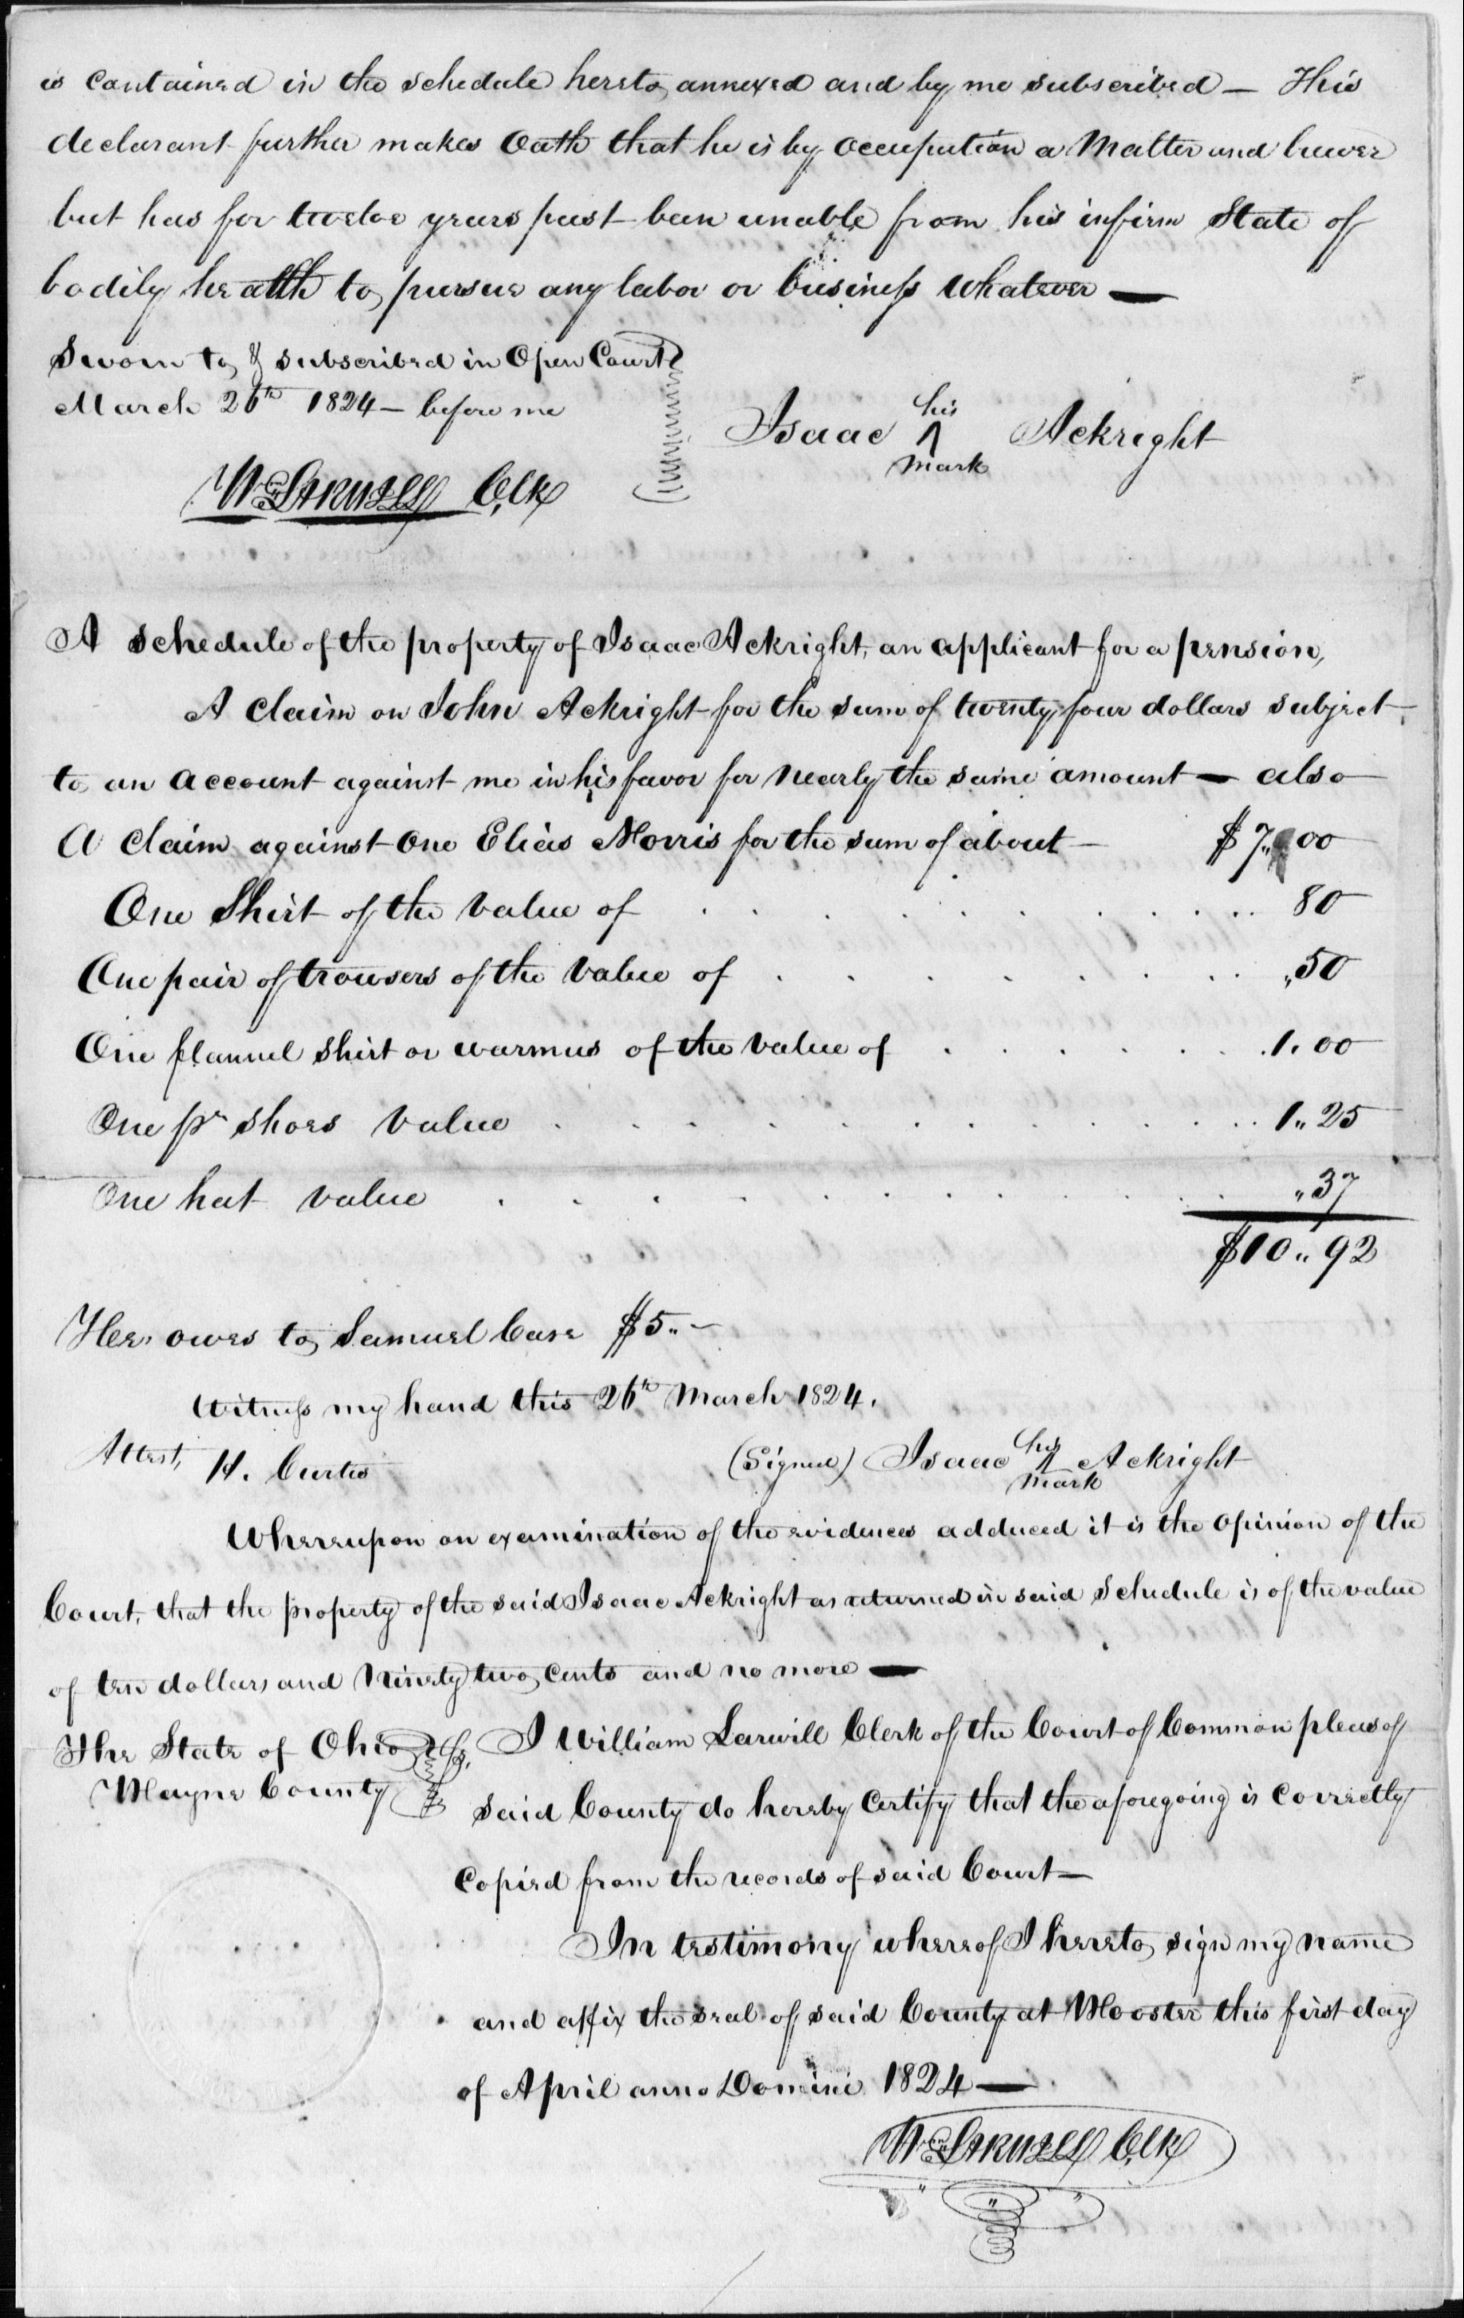is contained in the schedule hereto annexed and by me subscribed - This declarant further makes oath that he is by occupation a Malter and brewer but has for twelve years past been unable from his infirm state of bodily health to procure any labor or business whatever.

Isaac Ackright
His X Mark

Sworn to & subscribed in open court March 26th 1824 - before me

Wm Larwill - Clerk

A schedule of the property of Isaac Ackright an applicant for a pension.
A claim on John Ackright for the sum of twenty-four dollars subject to an account against me in his favor for nearly the same amount - also a claim against one Elias Norris for the sum of About $7.00
One shirt of the value of $0.80
One pair of trousers of the value of $0.50
One flannel shirt or warmer of the value of $1.00
One pr shoes value $1.25
One hat value $0.37
Total $10.92

Here owed to Samuel Carr $5.00
witness my hand this 26th March 1824
(Signed) Isaac Ackright
His X Mark

Attest: H Curtis

Whereupon on examination of the evidence adduced it is the opinion of the Court that the property of the said Isaac Ackright as returned in said schedule is of the value of ten dollars and ninety-two cents and no more.

The state of Ohio
Wayne County

I William Larwill clerk of the Court of Common Pleas of said county do hereby certify that the aforegoing is correctly copied from the records of said court.

In testimony whereof I hereto sign my name and affix the seal of said county of Wooster this first day of April anno domini 1824.

Wm Larwill - Clerk

SEAL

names: Isaac Ackright, Wm Larwill, William Larwill, Wm Larwill, John Ackright, Elias Morris, Isaac Ackright, Isaac Ackright, Isaac Ackright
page: 8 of 15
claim: rejected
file: R. 22, Isaac Ackright, Md.